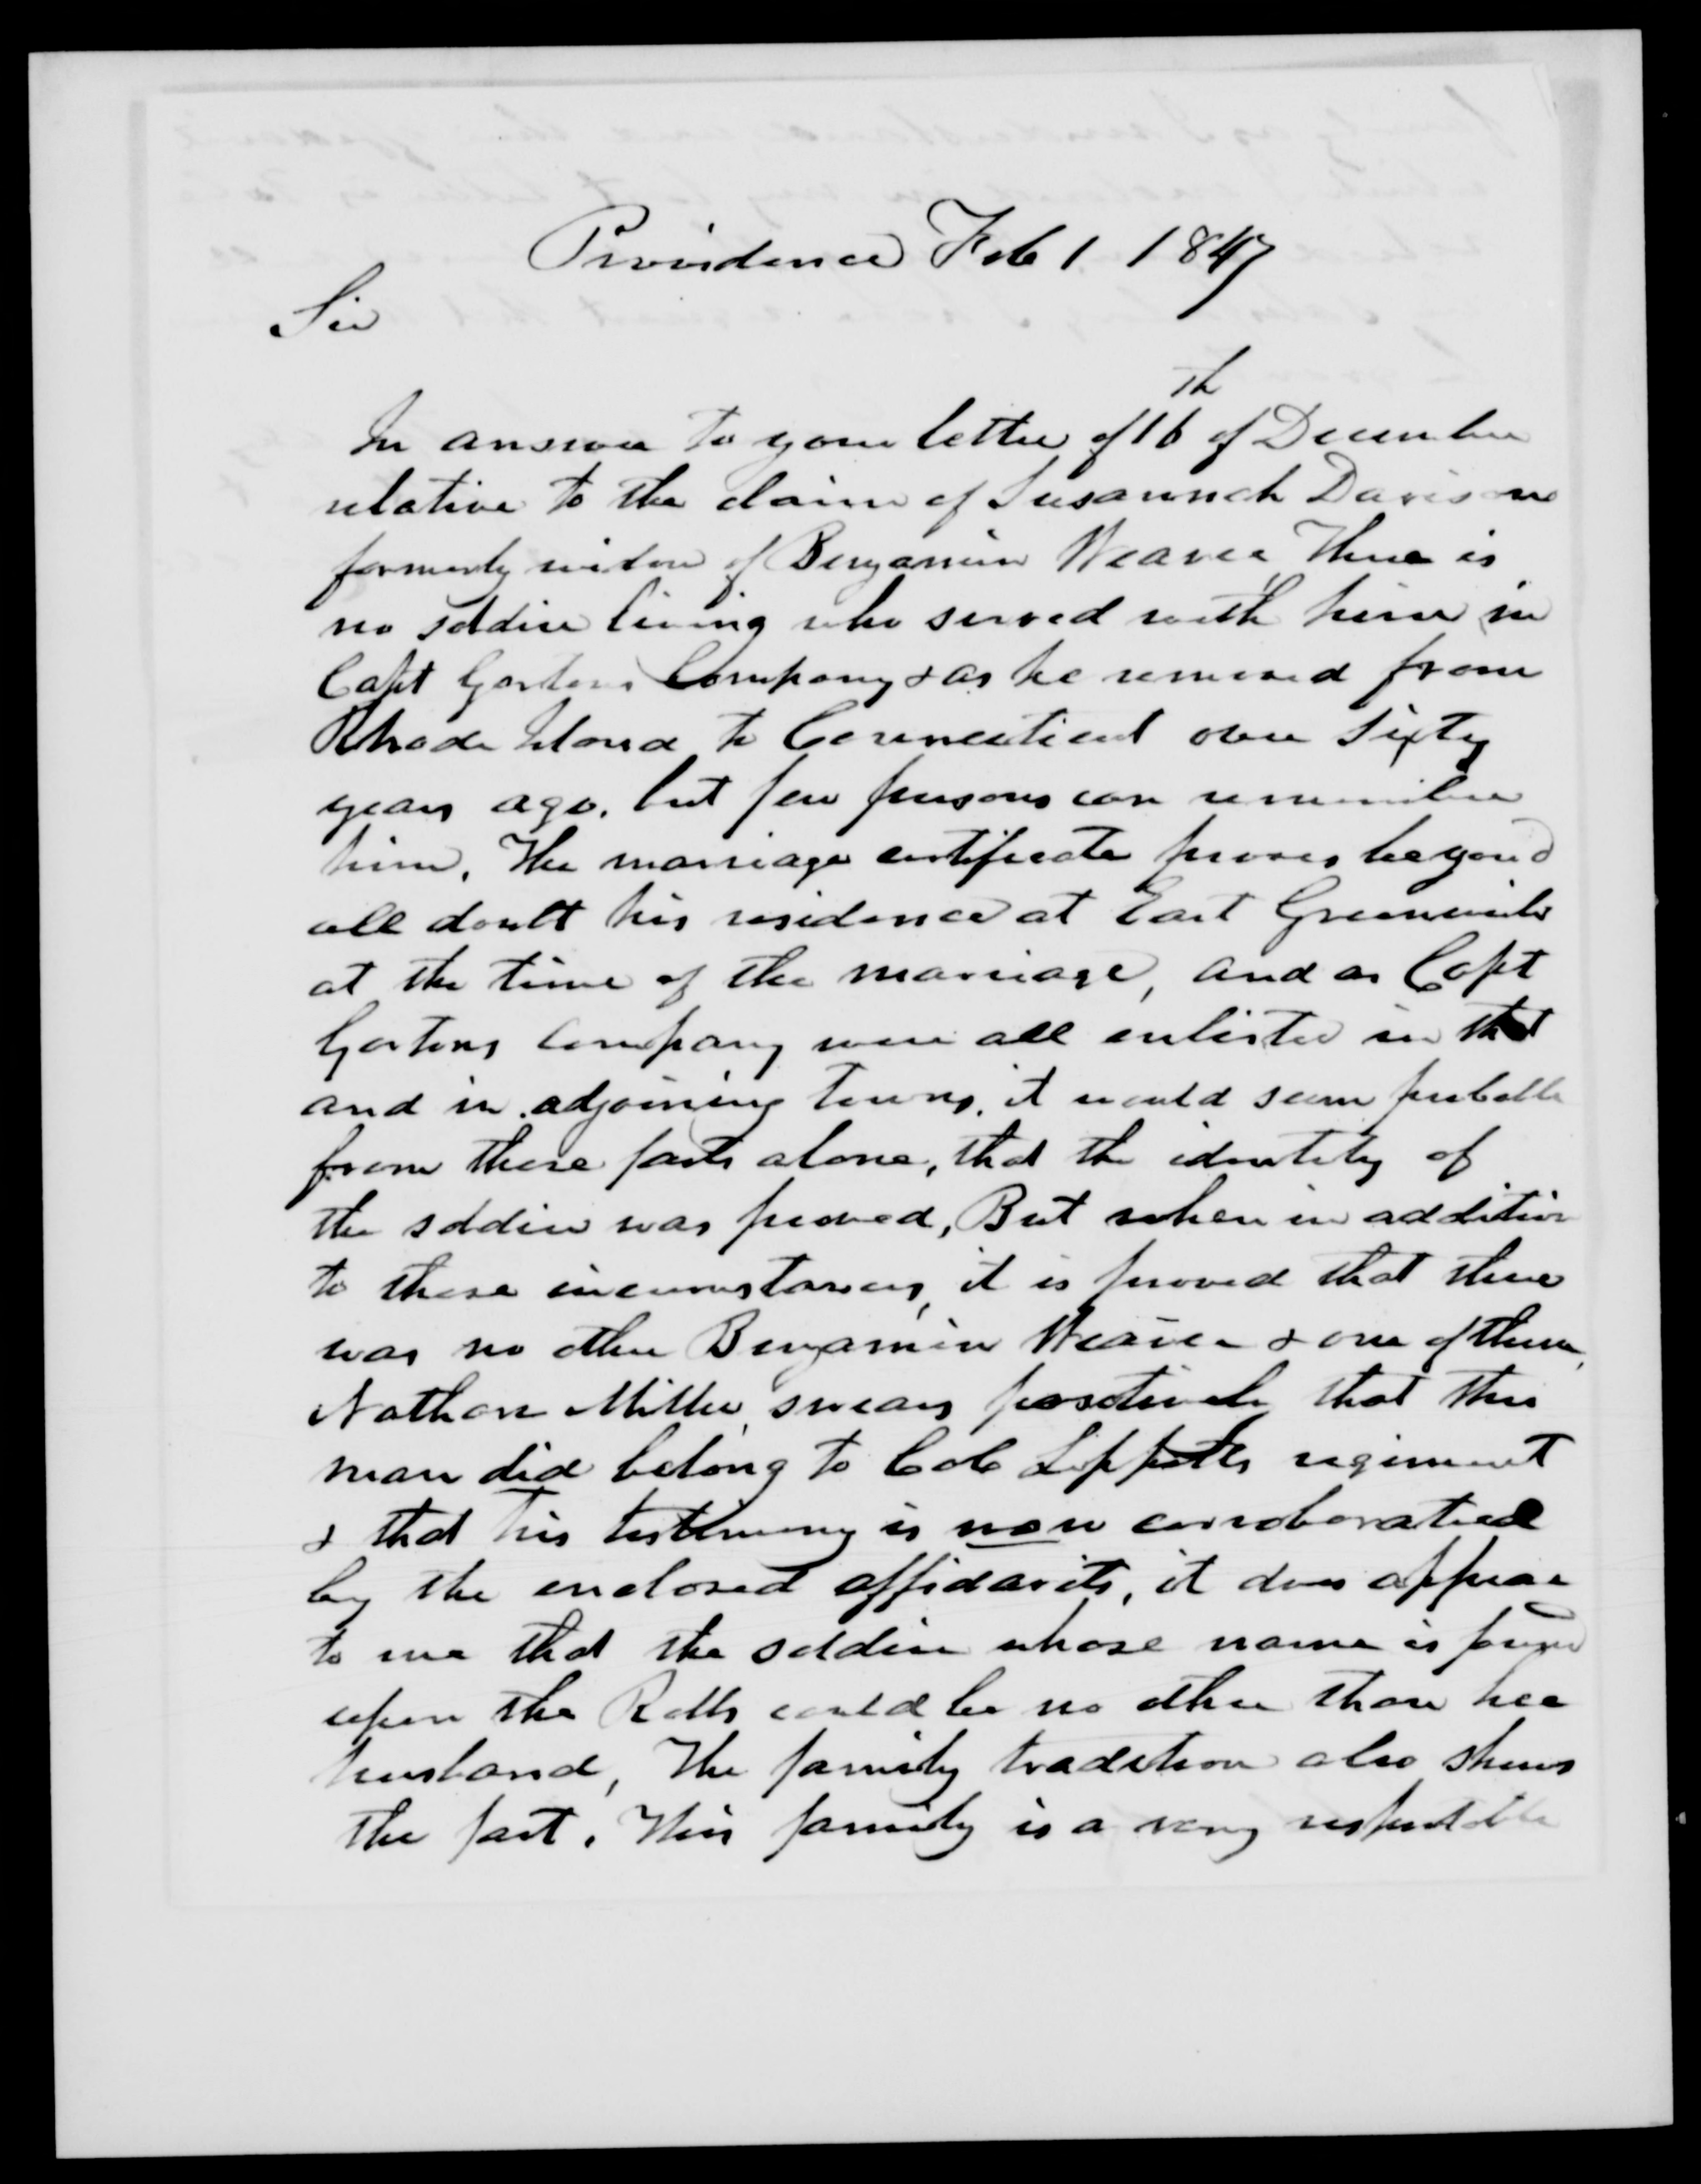Providence Feb 1 1847

Sir

In answer to your letter of 16th of December relative to the claim of Susannah Davison formerly widow of Benjamin Weaver There is  no soldier living who served with him in Capt Gortons Company & as he moved from Rhode Island to Connecticut over sixty years ago, but few persons can remember him. The marriage certificate from beyond all doubt his residence at East Greenwich at the time of the marriage, and Capt Gortons Company were all enlisted in that and in adjoining towns, it would seem probable from these facts alone, that the identity of the soldier was preserved, But when in addition to these inconsistencies, it is found that there was no other Benjamin Weaver & one of these Nathan Miller, swears positively that this man did belong to Col Lippitts regiment & that his testimony is now corroborated by the enclosed affidavit, it does appear to me the that the soldier whose name is found upon the Rolls could be no other than the husband, The family tradition also show the past. This family is a very respectable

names: Benjamin Weaver, Susannah Davison, Nathan Miller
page: 27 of 53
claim: widow's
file: W 17707, Benjamin Weaver, R.I.